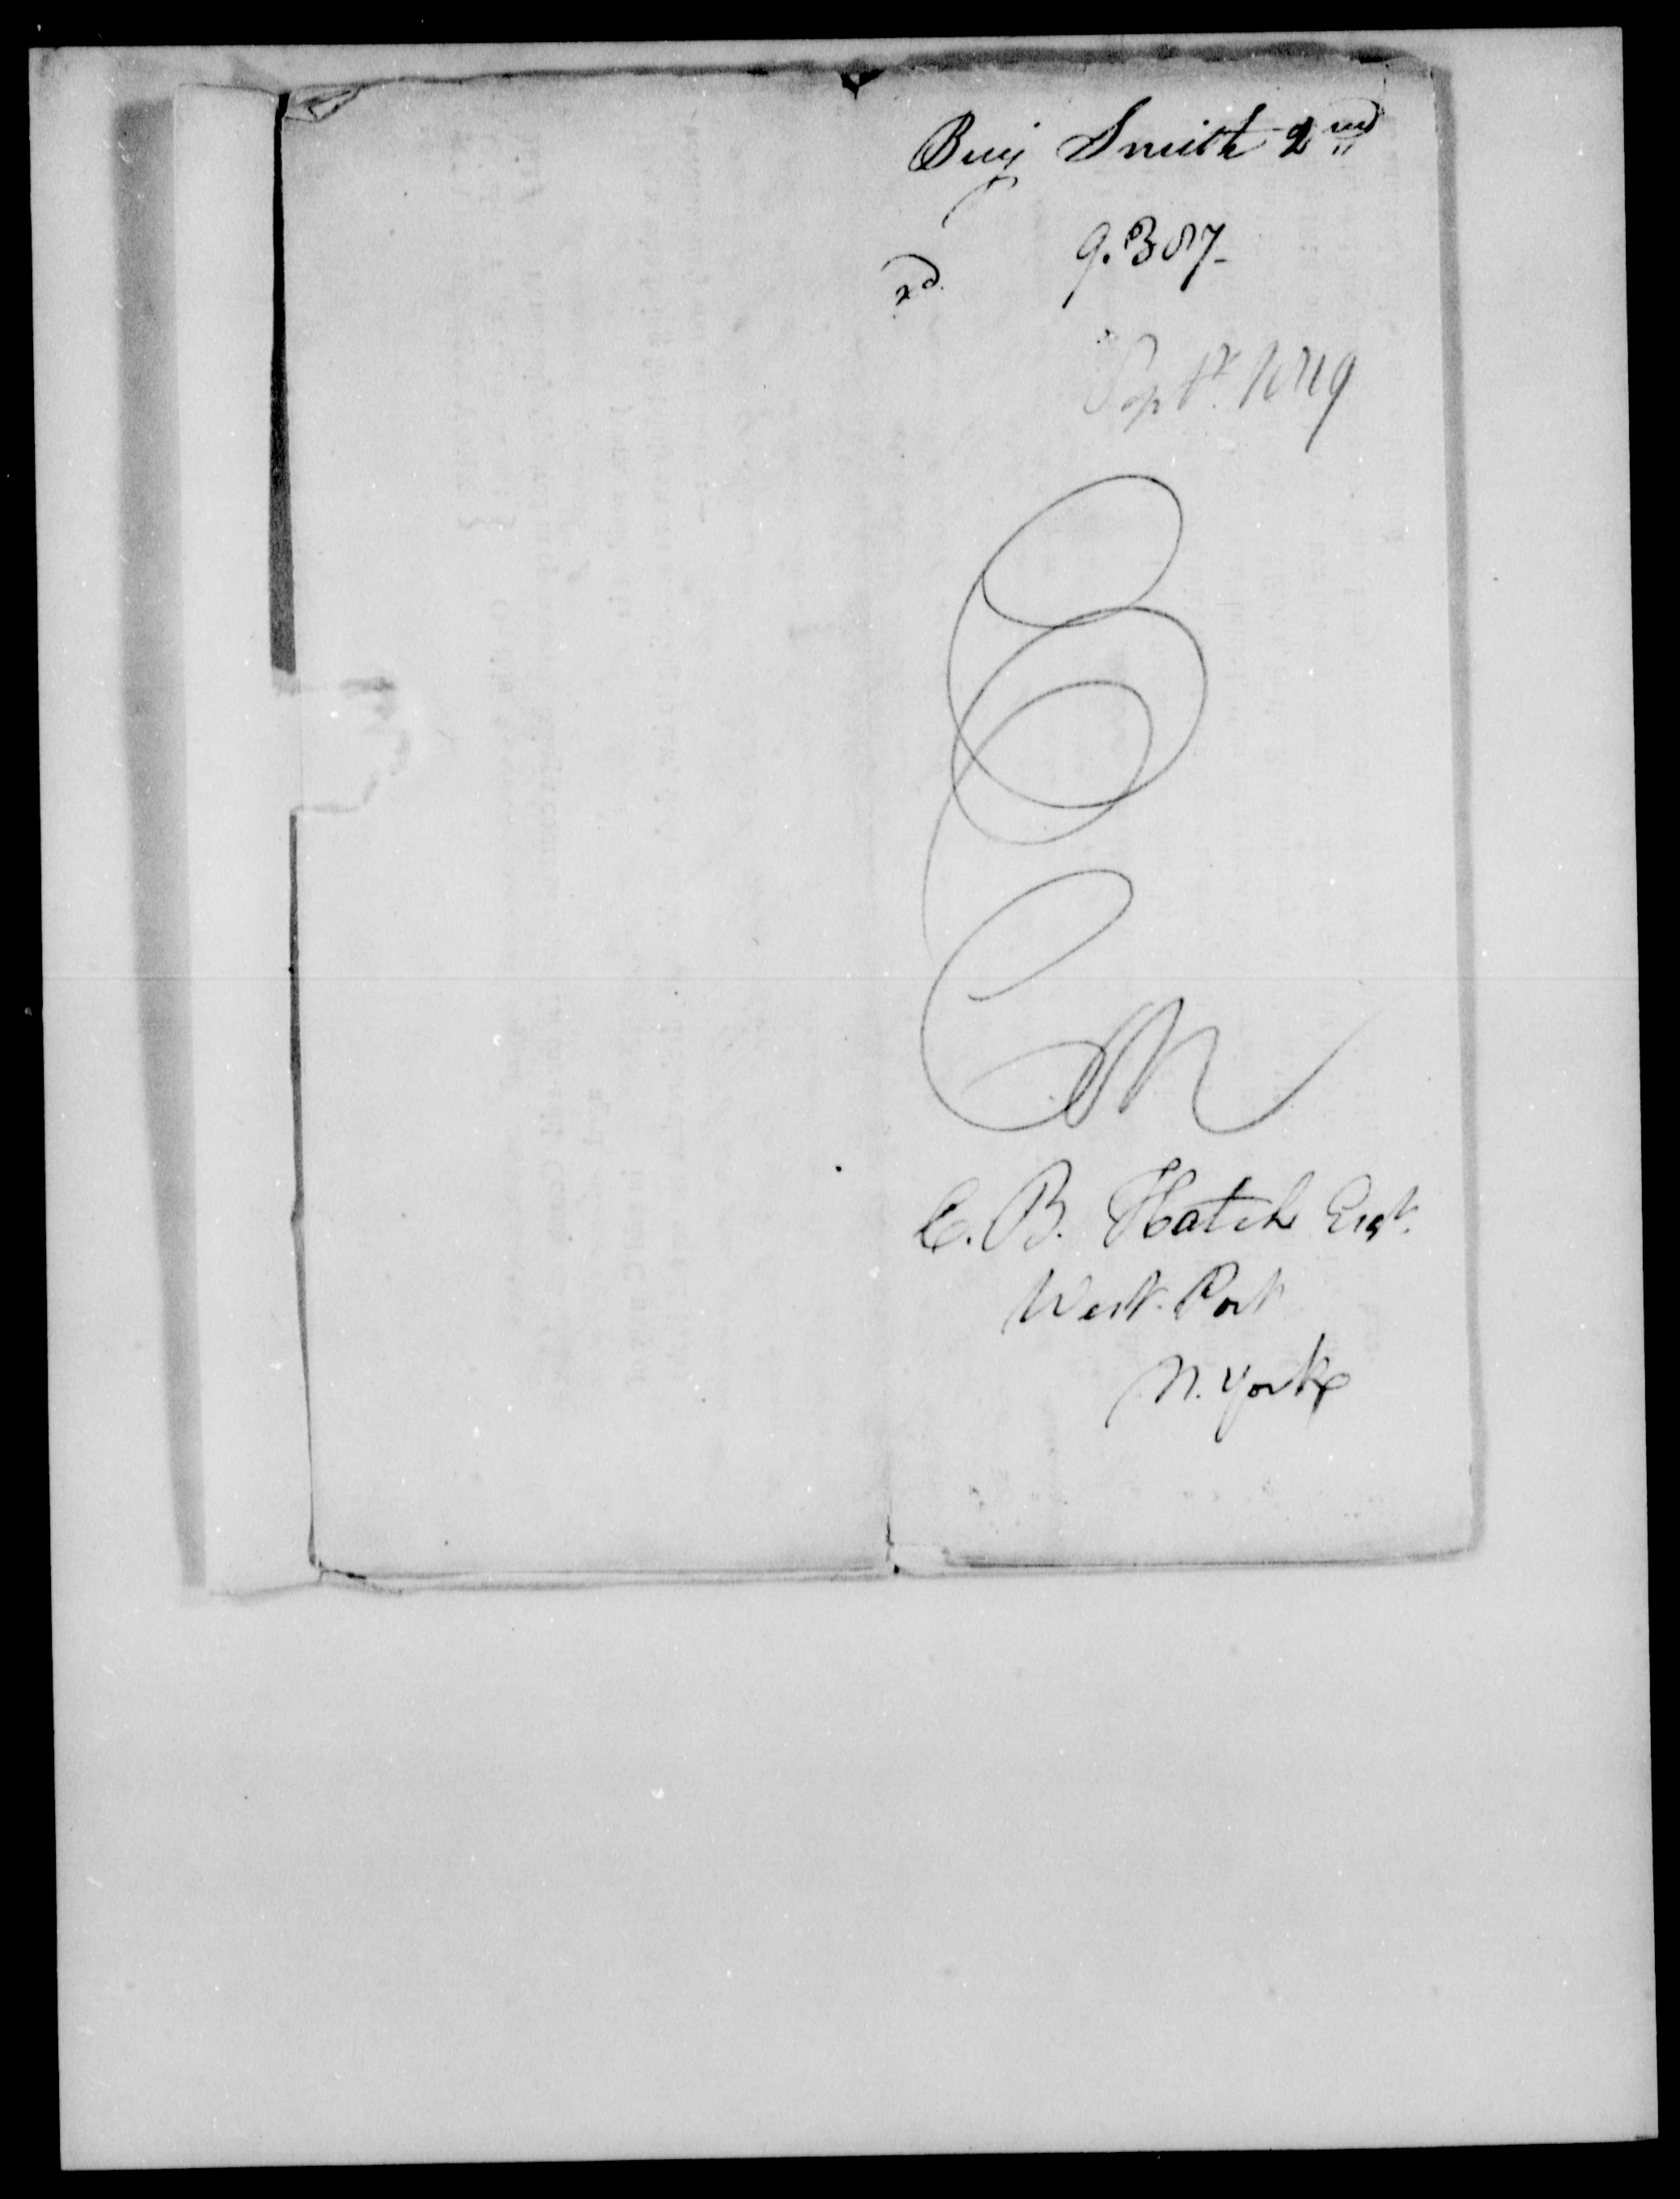Benj Smith 2nd
2d  9.3017
Sept 1819

C. B. Hatch Esq'r
Westport
N. York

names: Benj Smith; C B Hatch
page: 9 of 16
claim: survivor's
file: S. 42341, for Benjamin Smith, Rhode Island